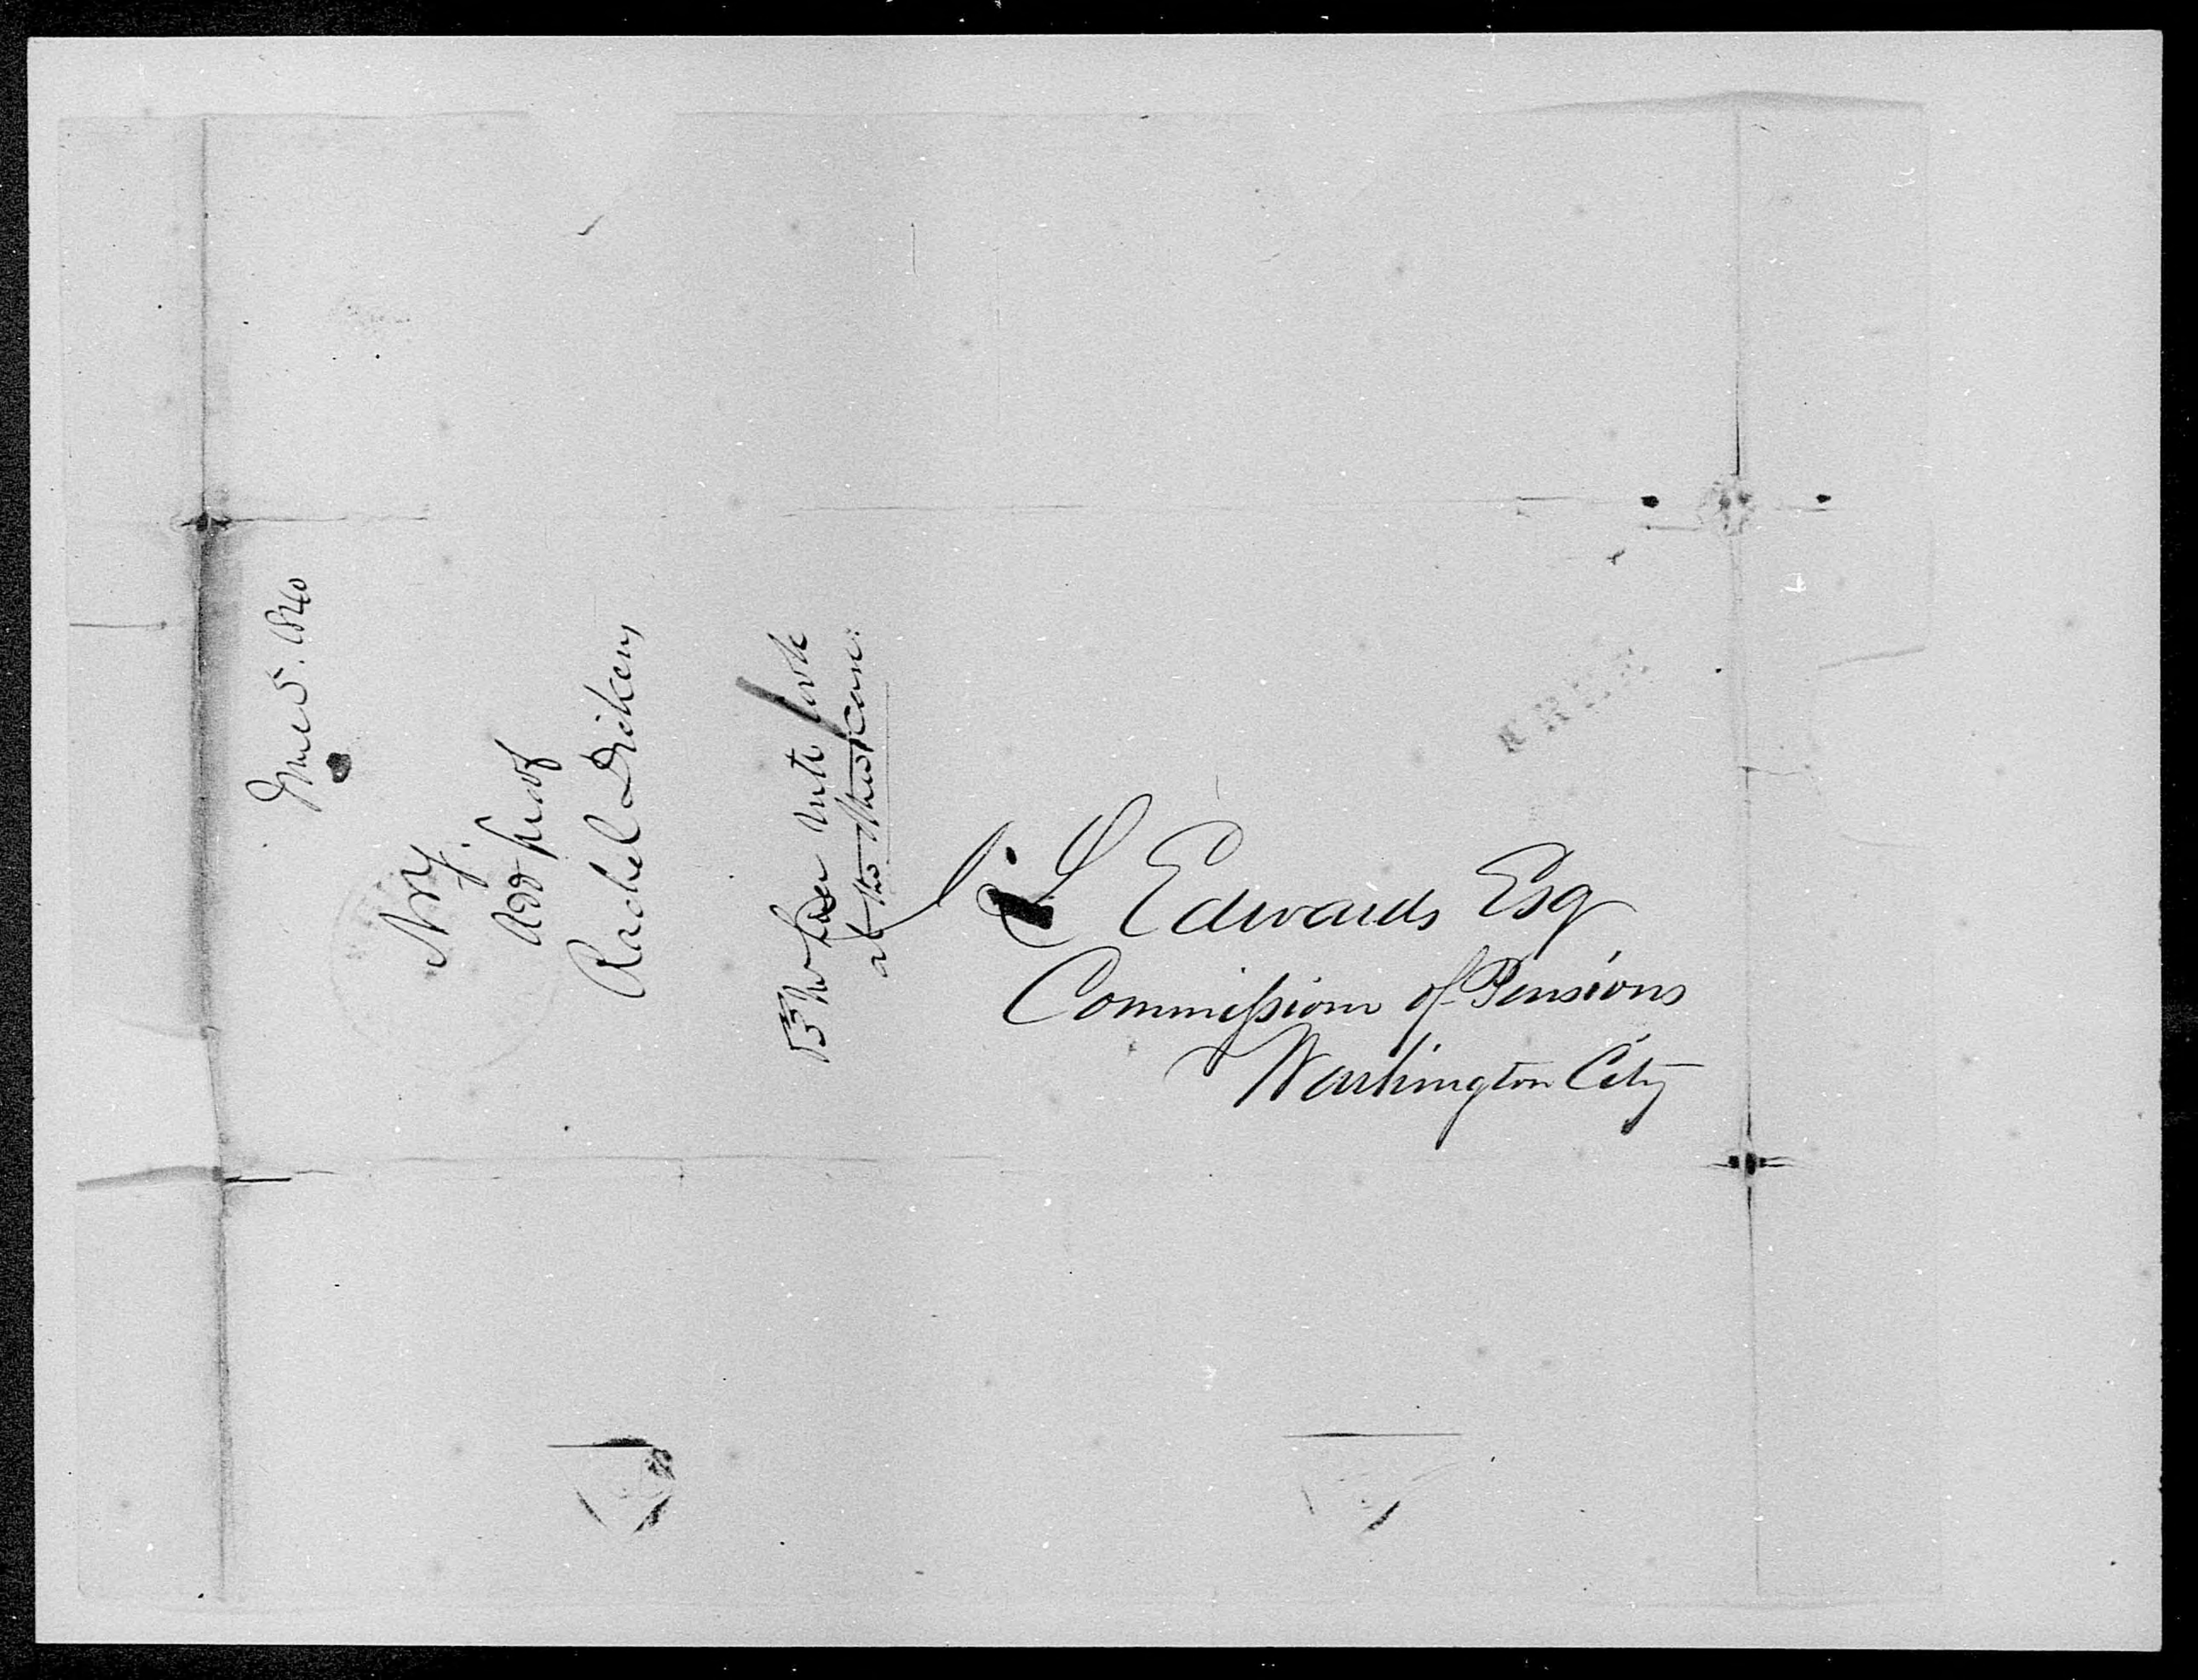Document appears to be an envelope

FREE
J L Edwards Esq
Commissioner of Pensions
Washington City

 Written on end:

June 5. 1840
NY.

Add proof
Rachel Dickens

Illegible writing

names: Rachel Dickens, J L Edwards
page: 14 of 29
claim: widow's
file: W. 17720, Arnold Dickens, New York